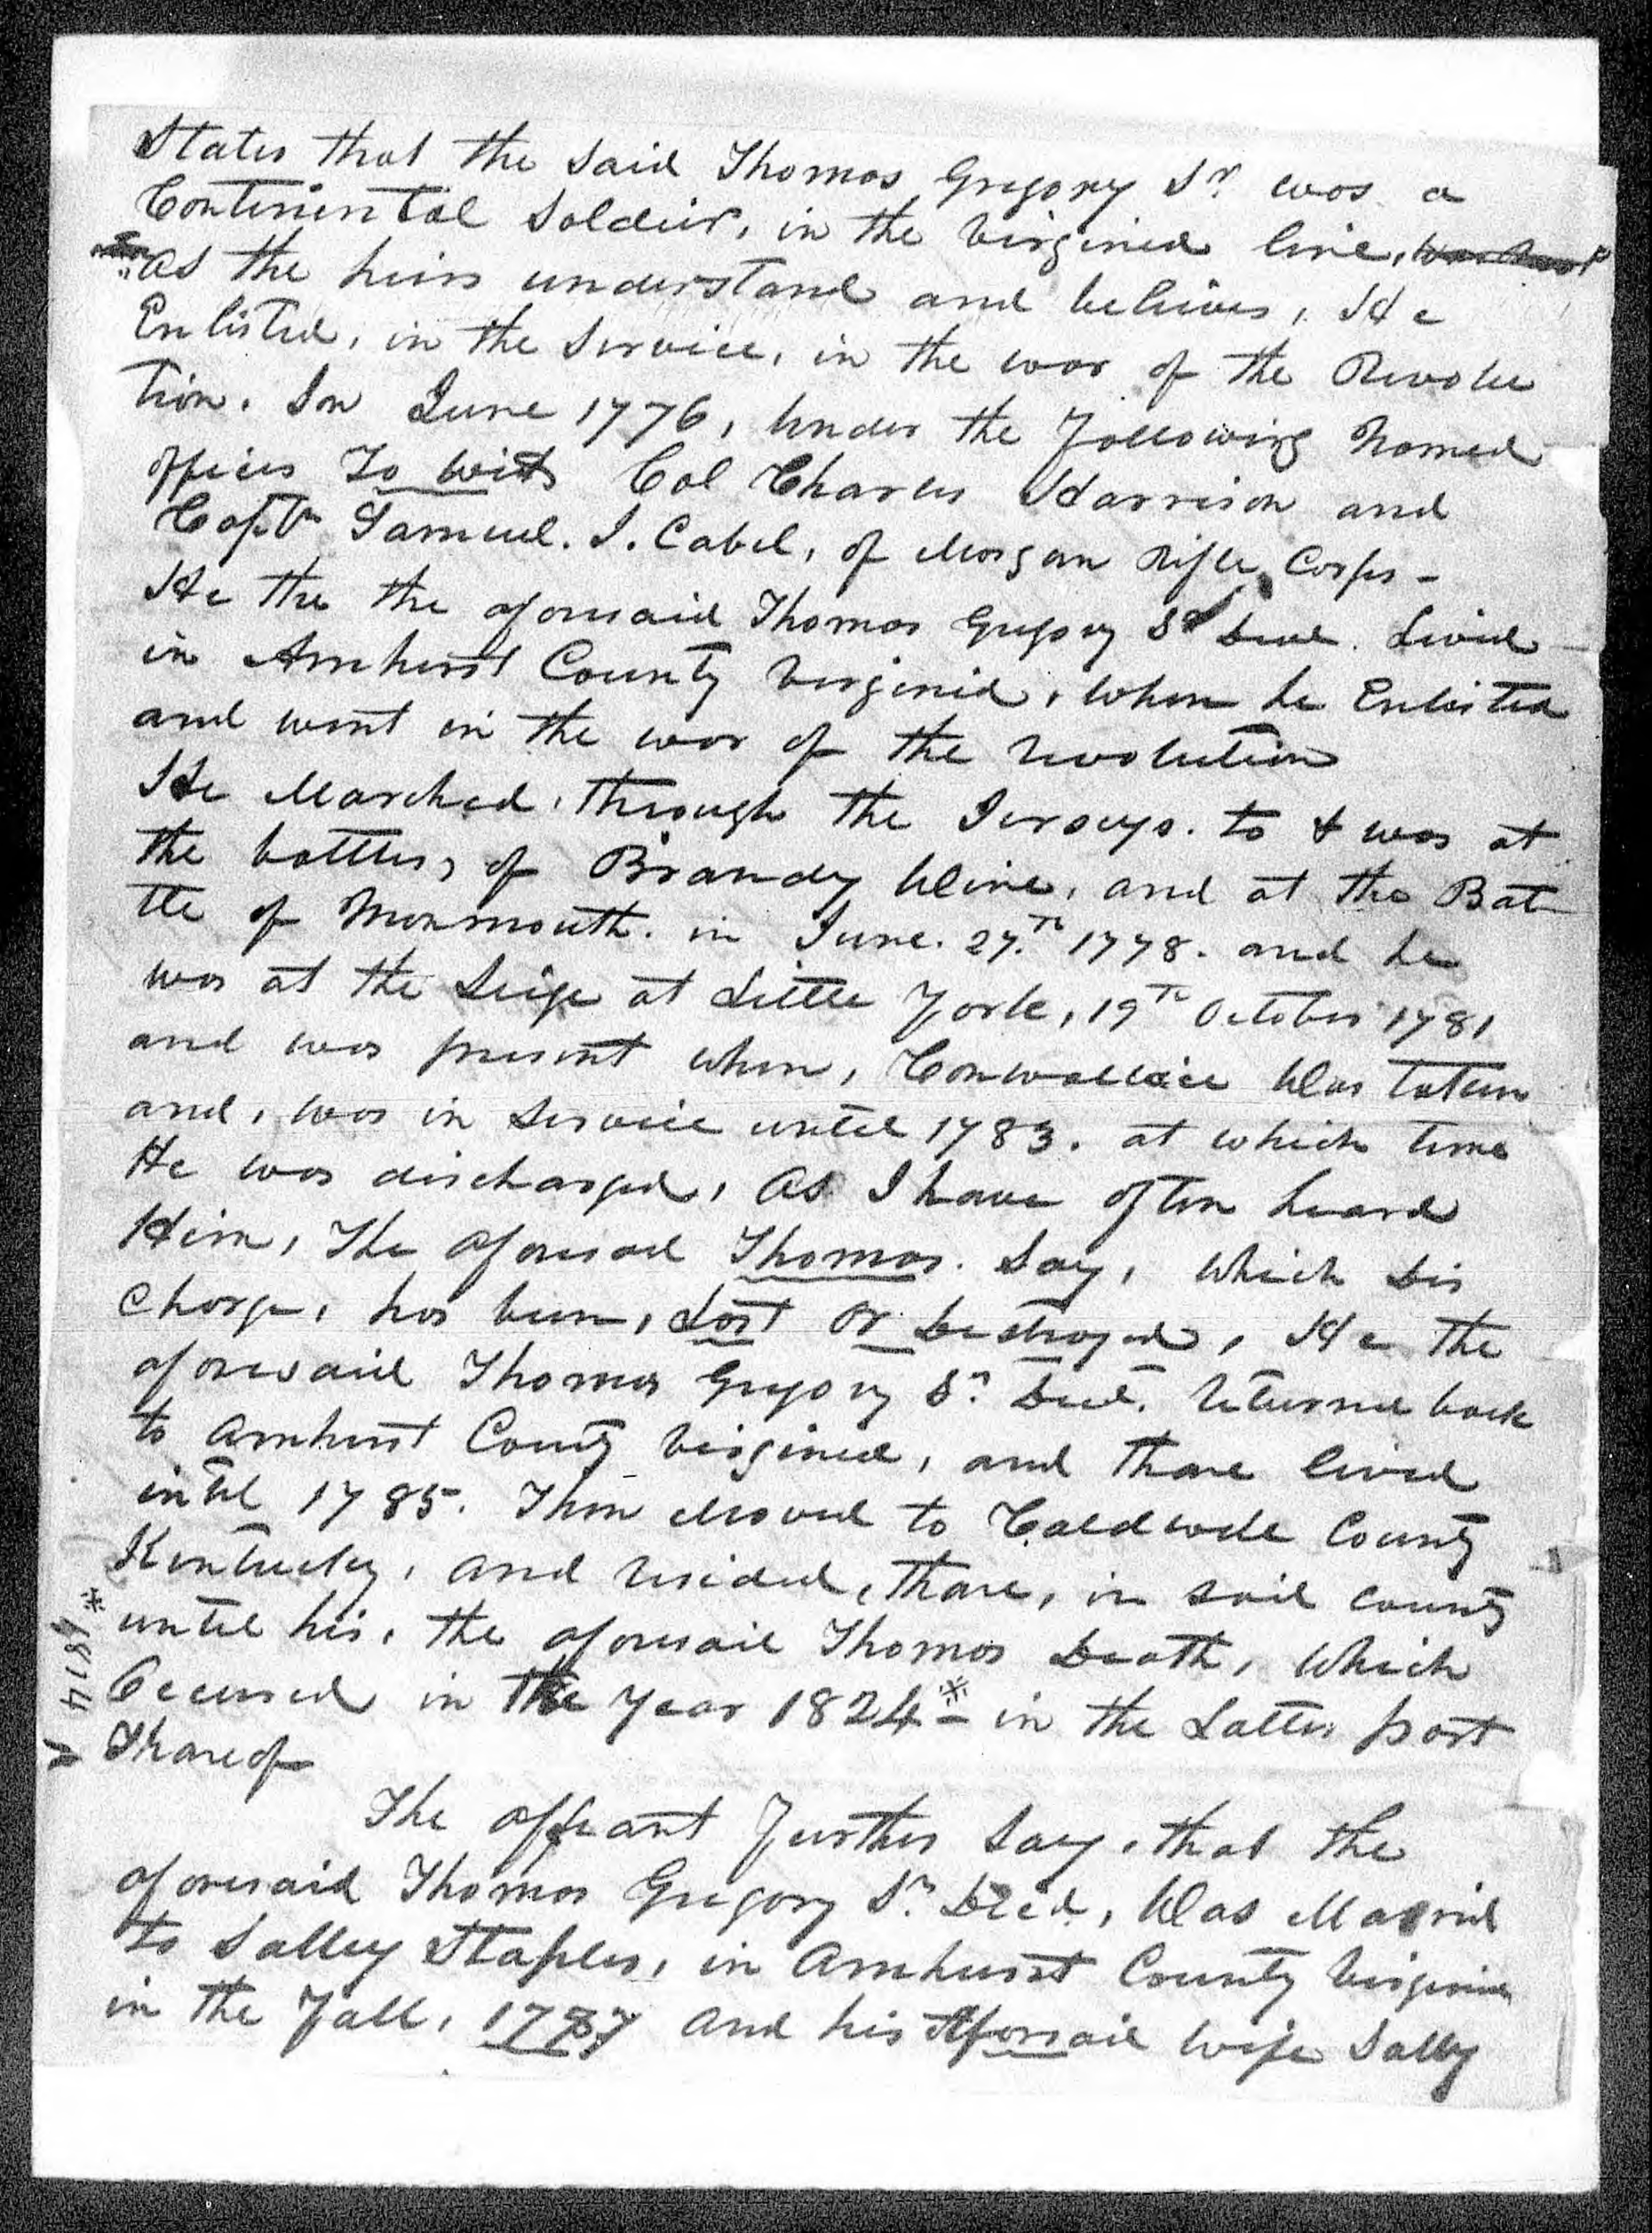states that the said Thomas Gregory Sr. was a Continental Soldier in the Virginia line, as the heirs understand and believes, He Enlisted, in the Service, in the war of the Revolution.  In June 1776, under the following named officers to wit Col. Charles Harrison and Capt. Samuel J. Cabel of Morgan Rifle Corps - He the the [sic] aforesaid Thomas Gregory Sr. [?] lived in Amherst County Virginia, when he enlisted and went in the war of the Revolution.  He marched through the Jerseys to & was at the battles, of Brandy Wine, and at the Battle of Monmouth in June 27th 1778.  and he was at the Siege at Little York, 19th October 1781 and was present when,  Cornwallice (sic) was taken and,  was in service until 1783.  at which time He was discharged, as I have often heard Him, the aforesaid Thomas say, which discharge has been,  lost or destroyed, He the aforesaid Thomas Gregory Sr. dec'd.  returned back to Amherst County Virginia, and thare lived until 1785.  Then moved to Caldwell County Kentucky, and resided thare in said county, until his, the aforesaid Thomas death, which occurred in the year 1824 1814 -in the latter part thereof

The affiant further say that the aforesaid Thomas Gregory Sr. dec'd, was married to Sally Staples, in Amherst County Virginia in the fall 1787 and his aforesaid wife Sally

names: Samuel J Cabel, Salley Staples, Thomas Gregory, Thomas Gregory, Thomas Gregory, Charles Harrison, Conwallice, Thomas, Sally, Thomas Gregory, Thomas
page: 5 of 75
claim: widow's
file: W. 8876, Thomas Gregory, Continental Va